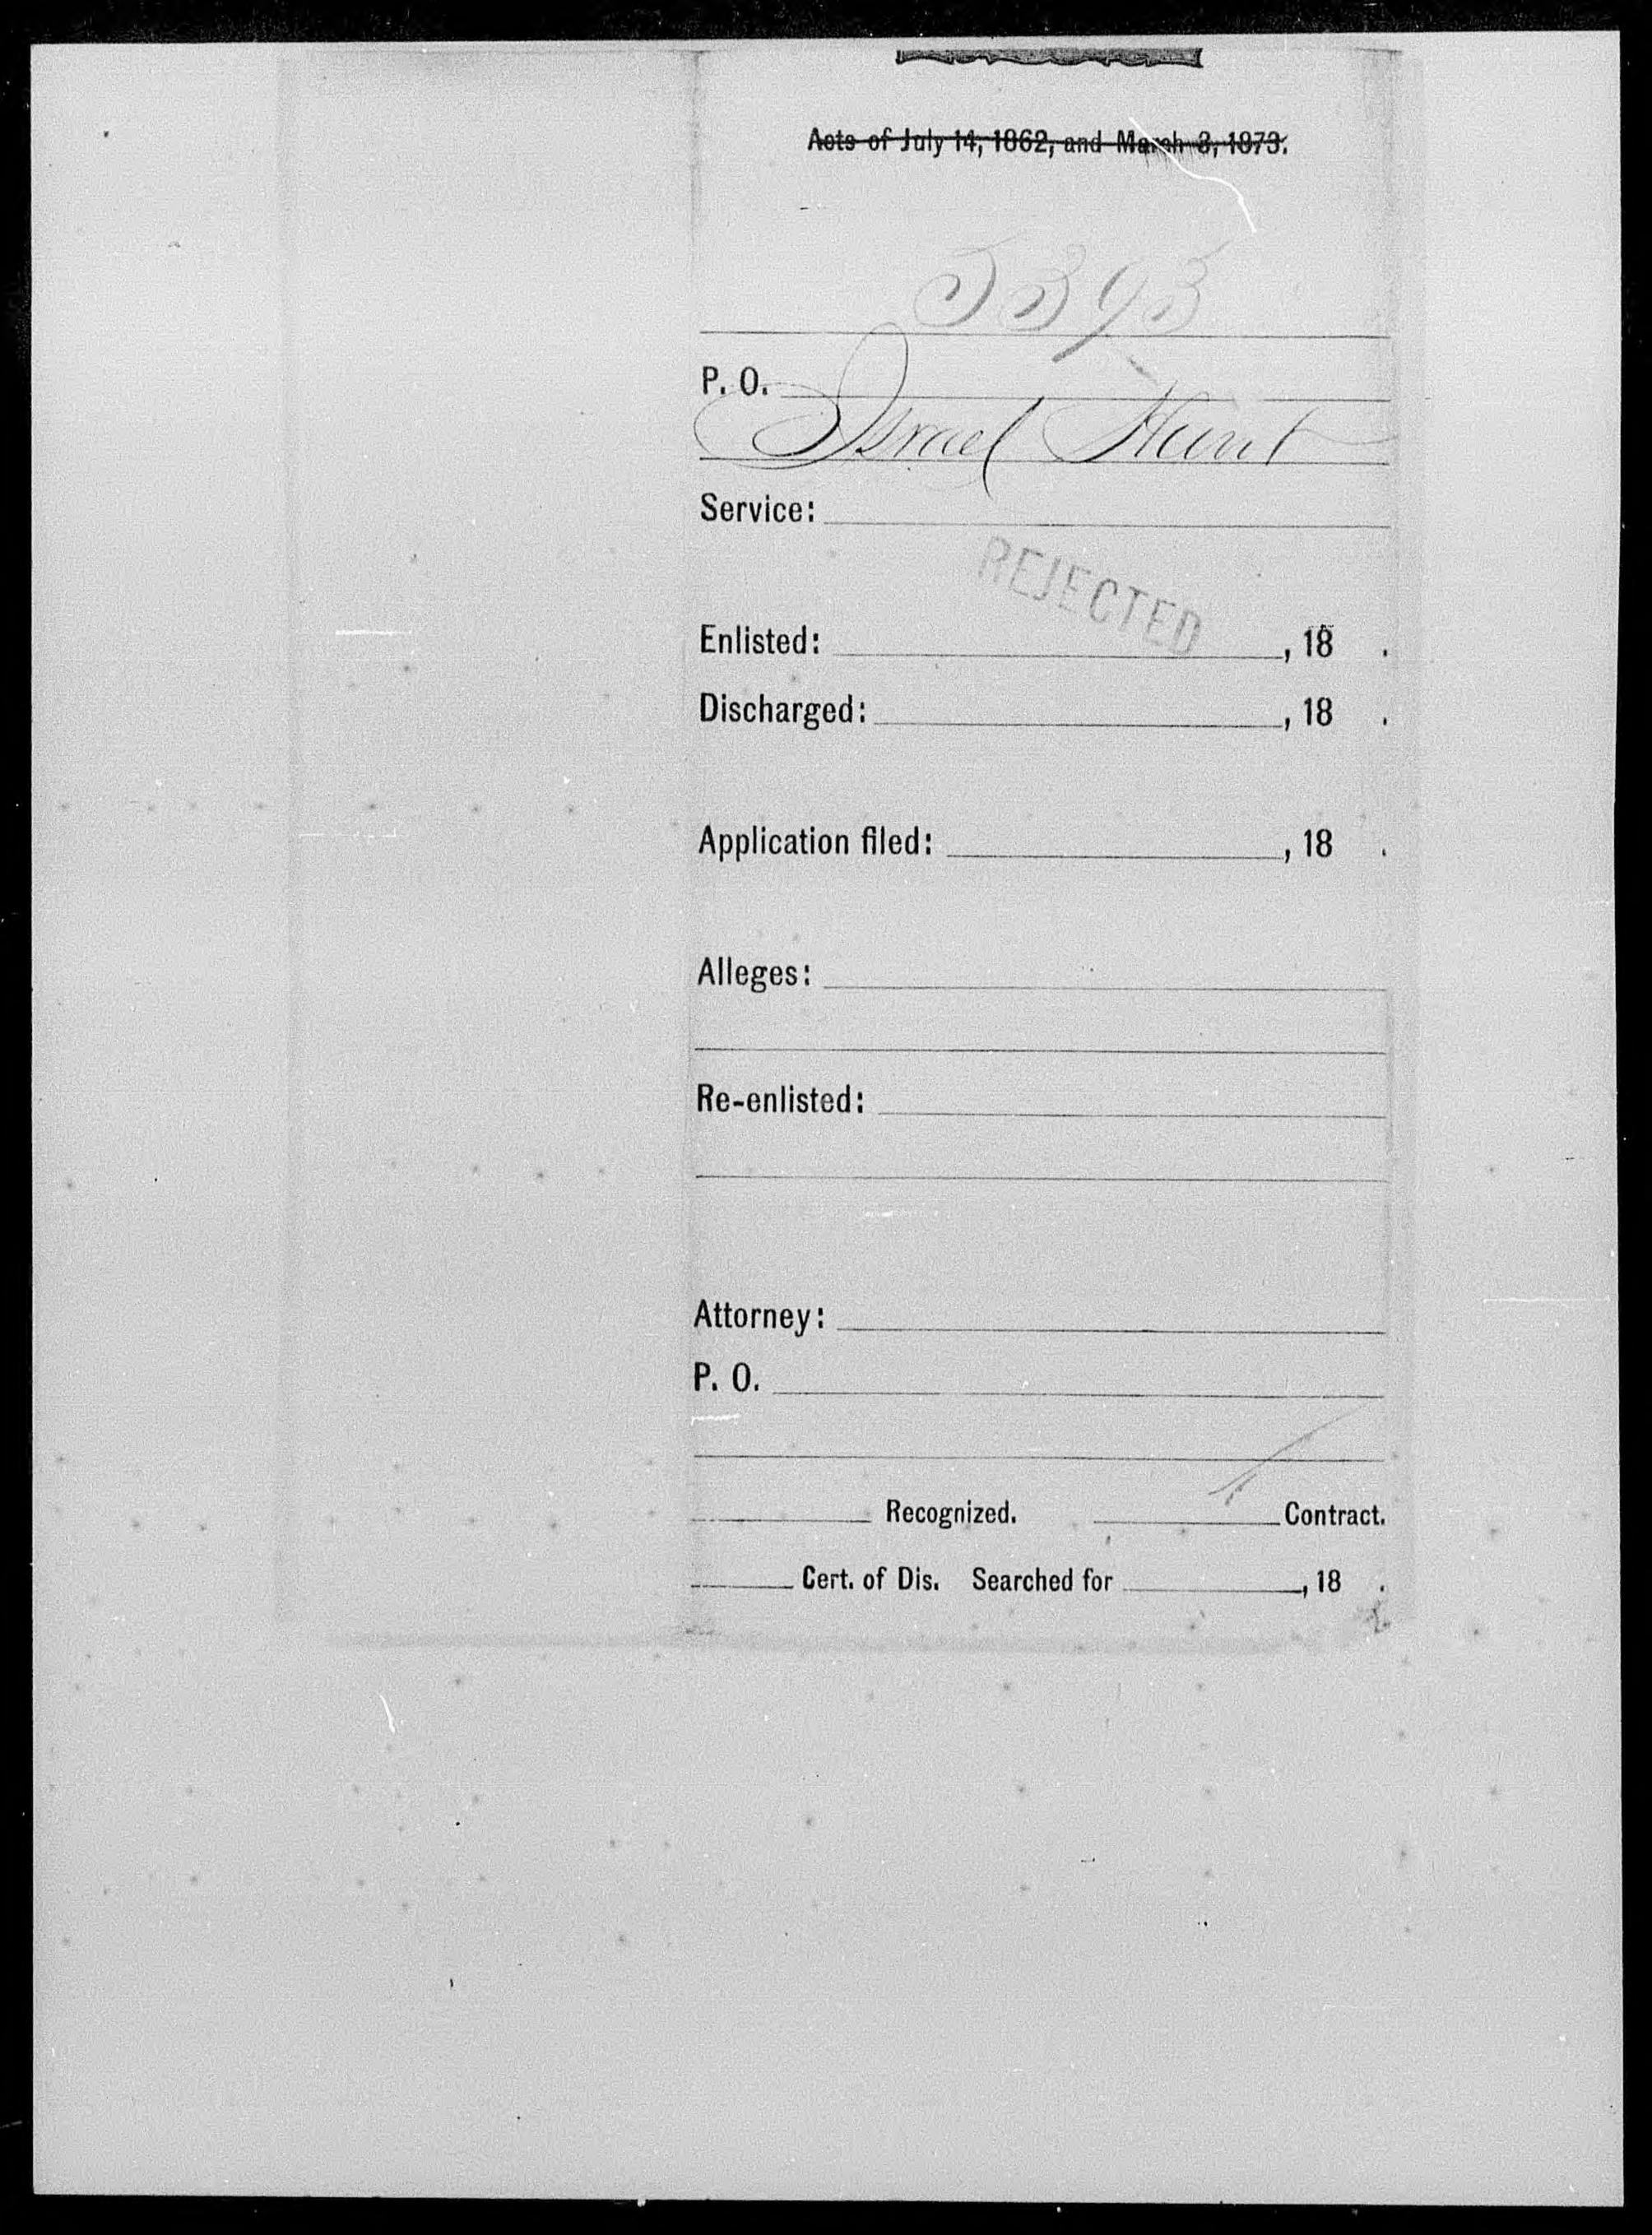5393
P.O.
Israel Hunt
Service:
REJECTED
Service:
Enlisted: _________,18  .
Discharged: _________,18  .
Application filed: _________,18  .
Alleges:
Re-Enlisted:
Attorney:
P.O.
Recognized.
Contract.
Cert of Dis.
Searched for  _________,18  .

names: Israel Hunt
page: 13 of 18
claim: rejected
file: R. 5393, for Israel Hunt, New Jersey